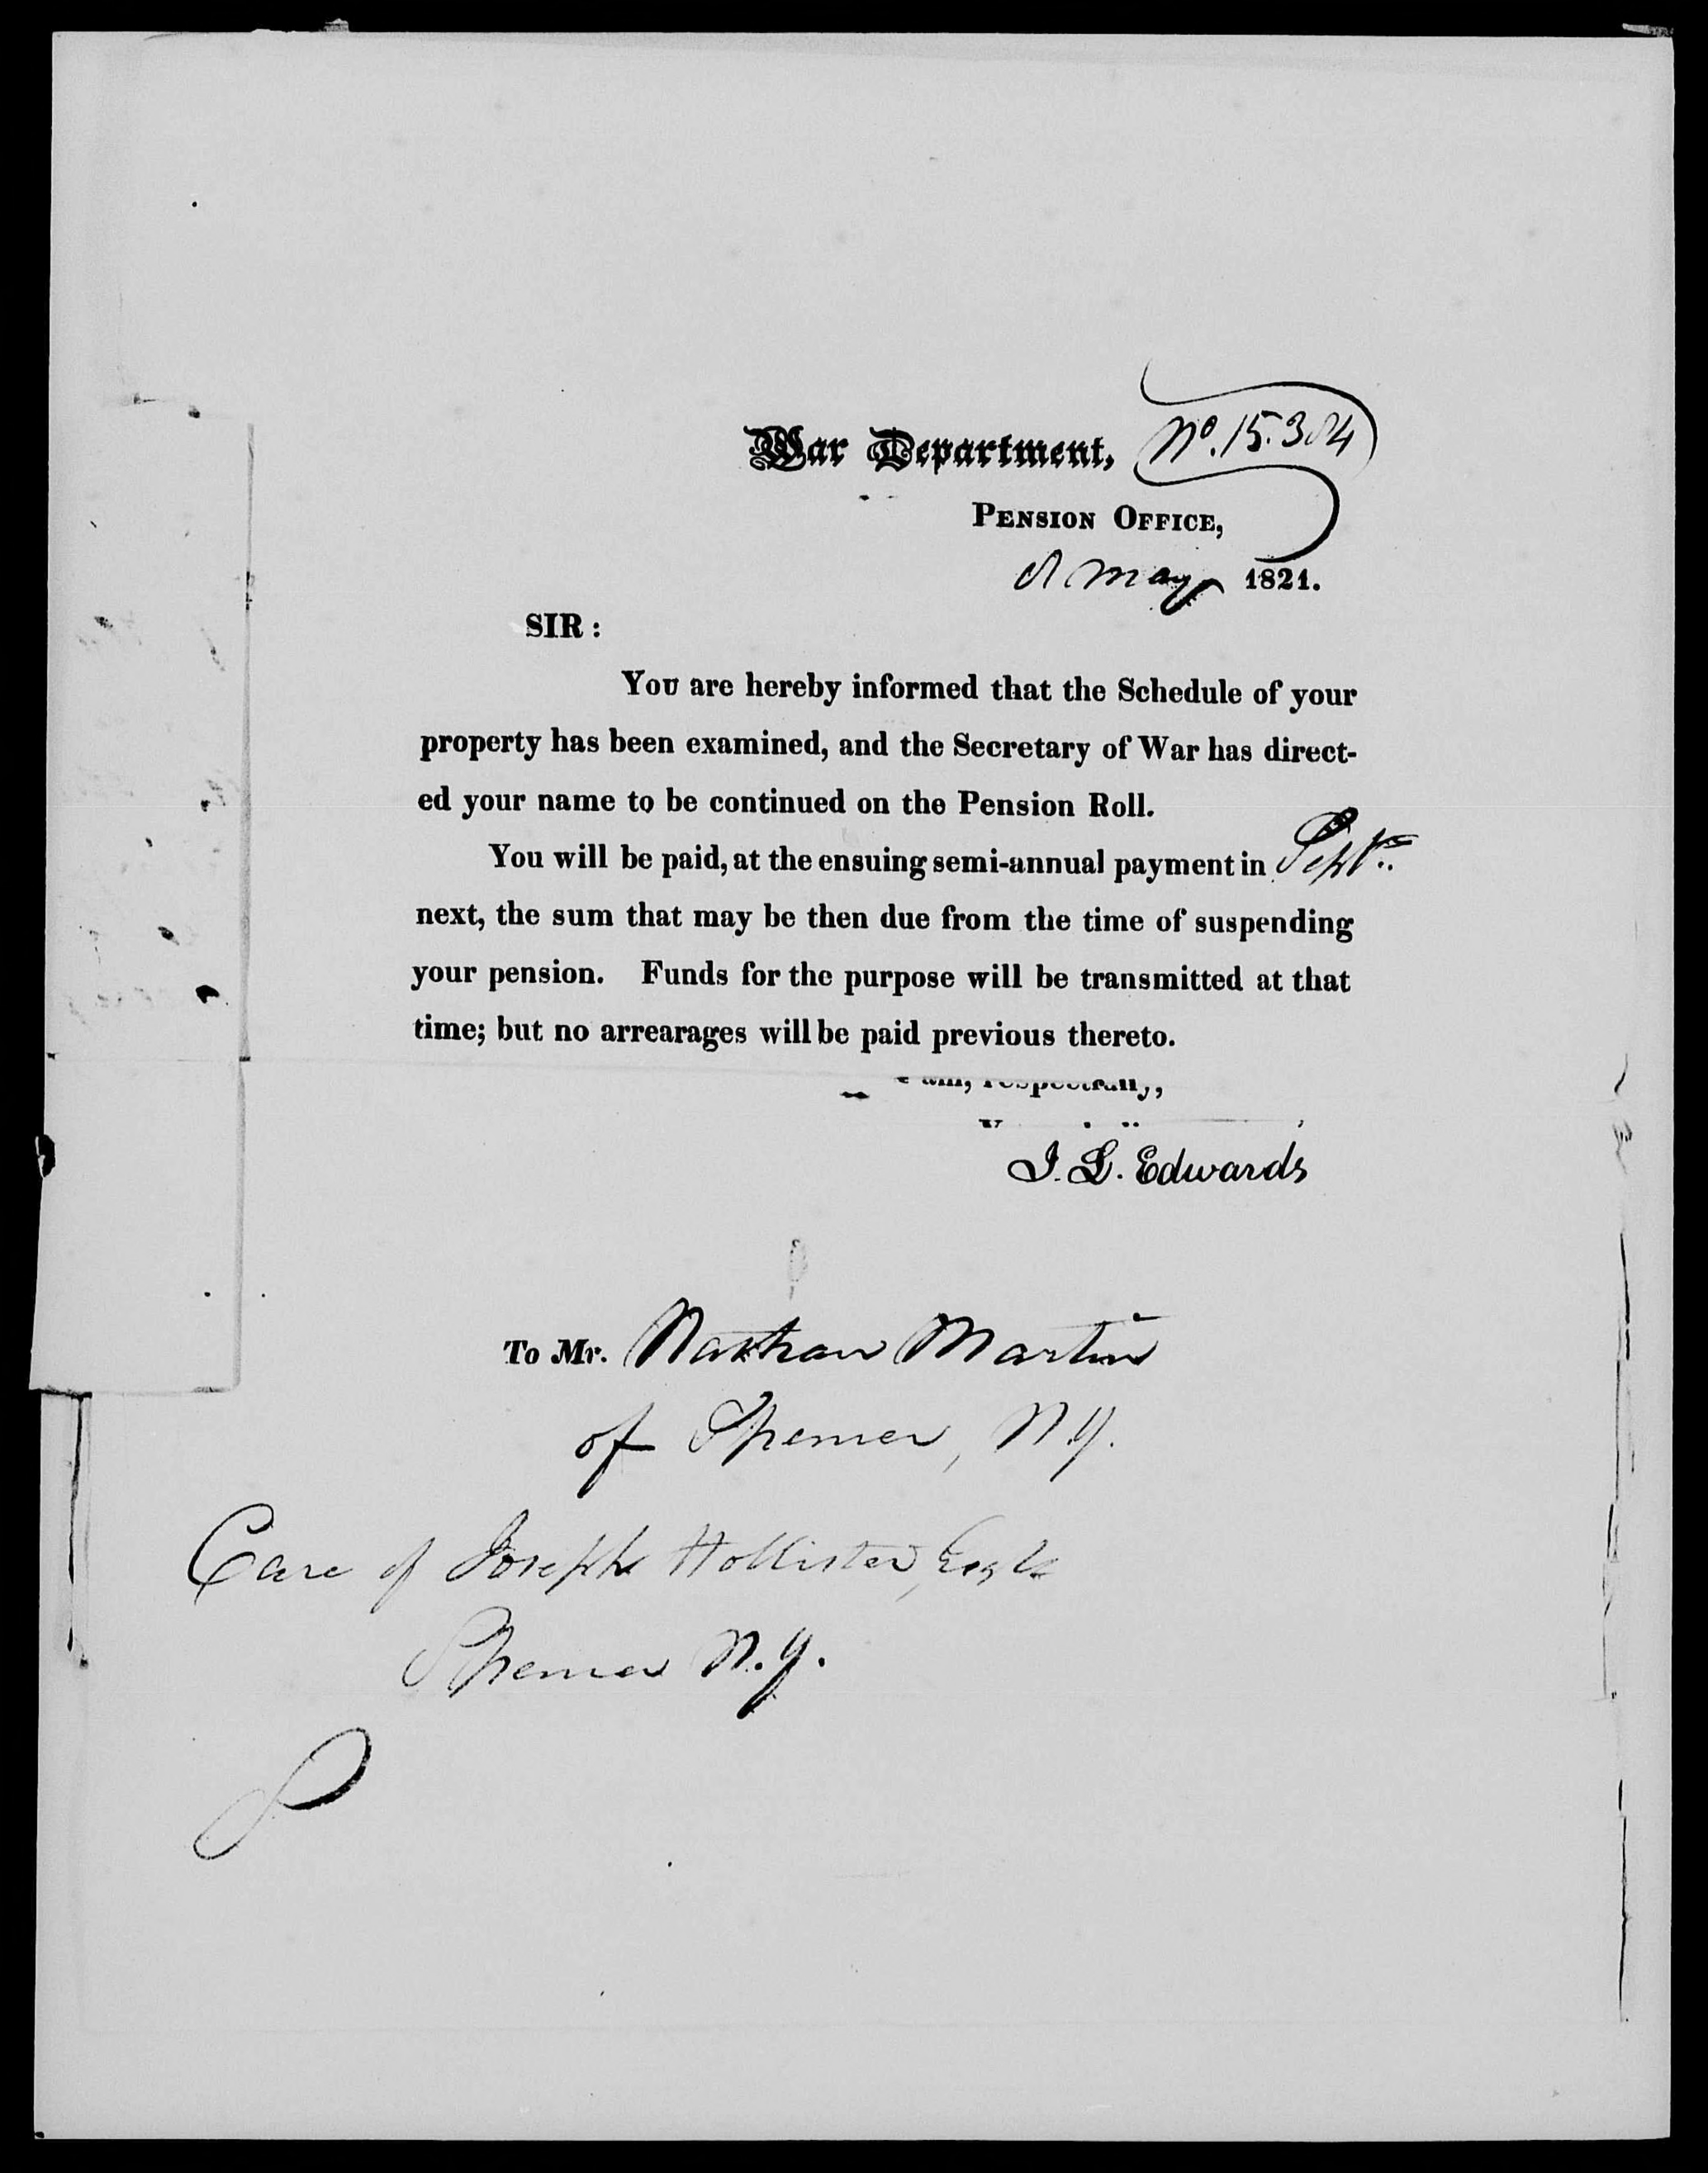War Department No. 15.30[1?]4
PENSION OFFICE,
[?] May 1821.
SIR: 
You are hereby informed that the Schedule of your
property has been examined, and the Secretary of War has directed
your name to be continued on the Pension Roll. 

You will be paid, at the ensuing semi-annual payment in Sept.
next, the sum that may be then due from the time of suspending
your pension.  Funds for the purpose will be transmitted at that
time; but no arrearages will be paid previous thereto. 
Very Respectfully,
J. L. Edwards
To Mr.  Nathan Martin
of Spencer, N.Y.
Care of Joseph Hollister, Esqr
Spencer N.Y.
[illegible]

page: 15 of 30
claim: widow's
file: W. 23,904, for Nathan Martin, New Hampshire